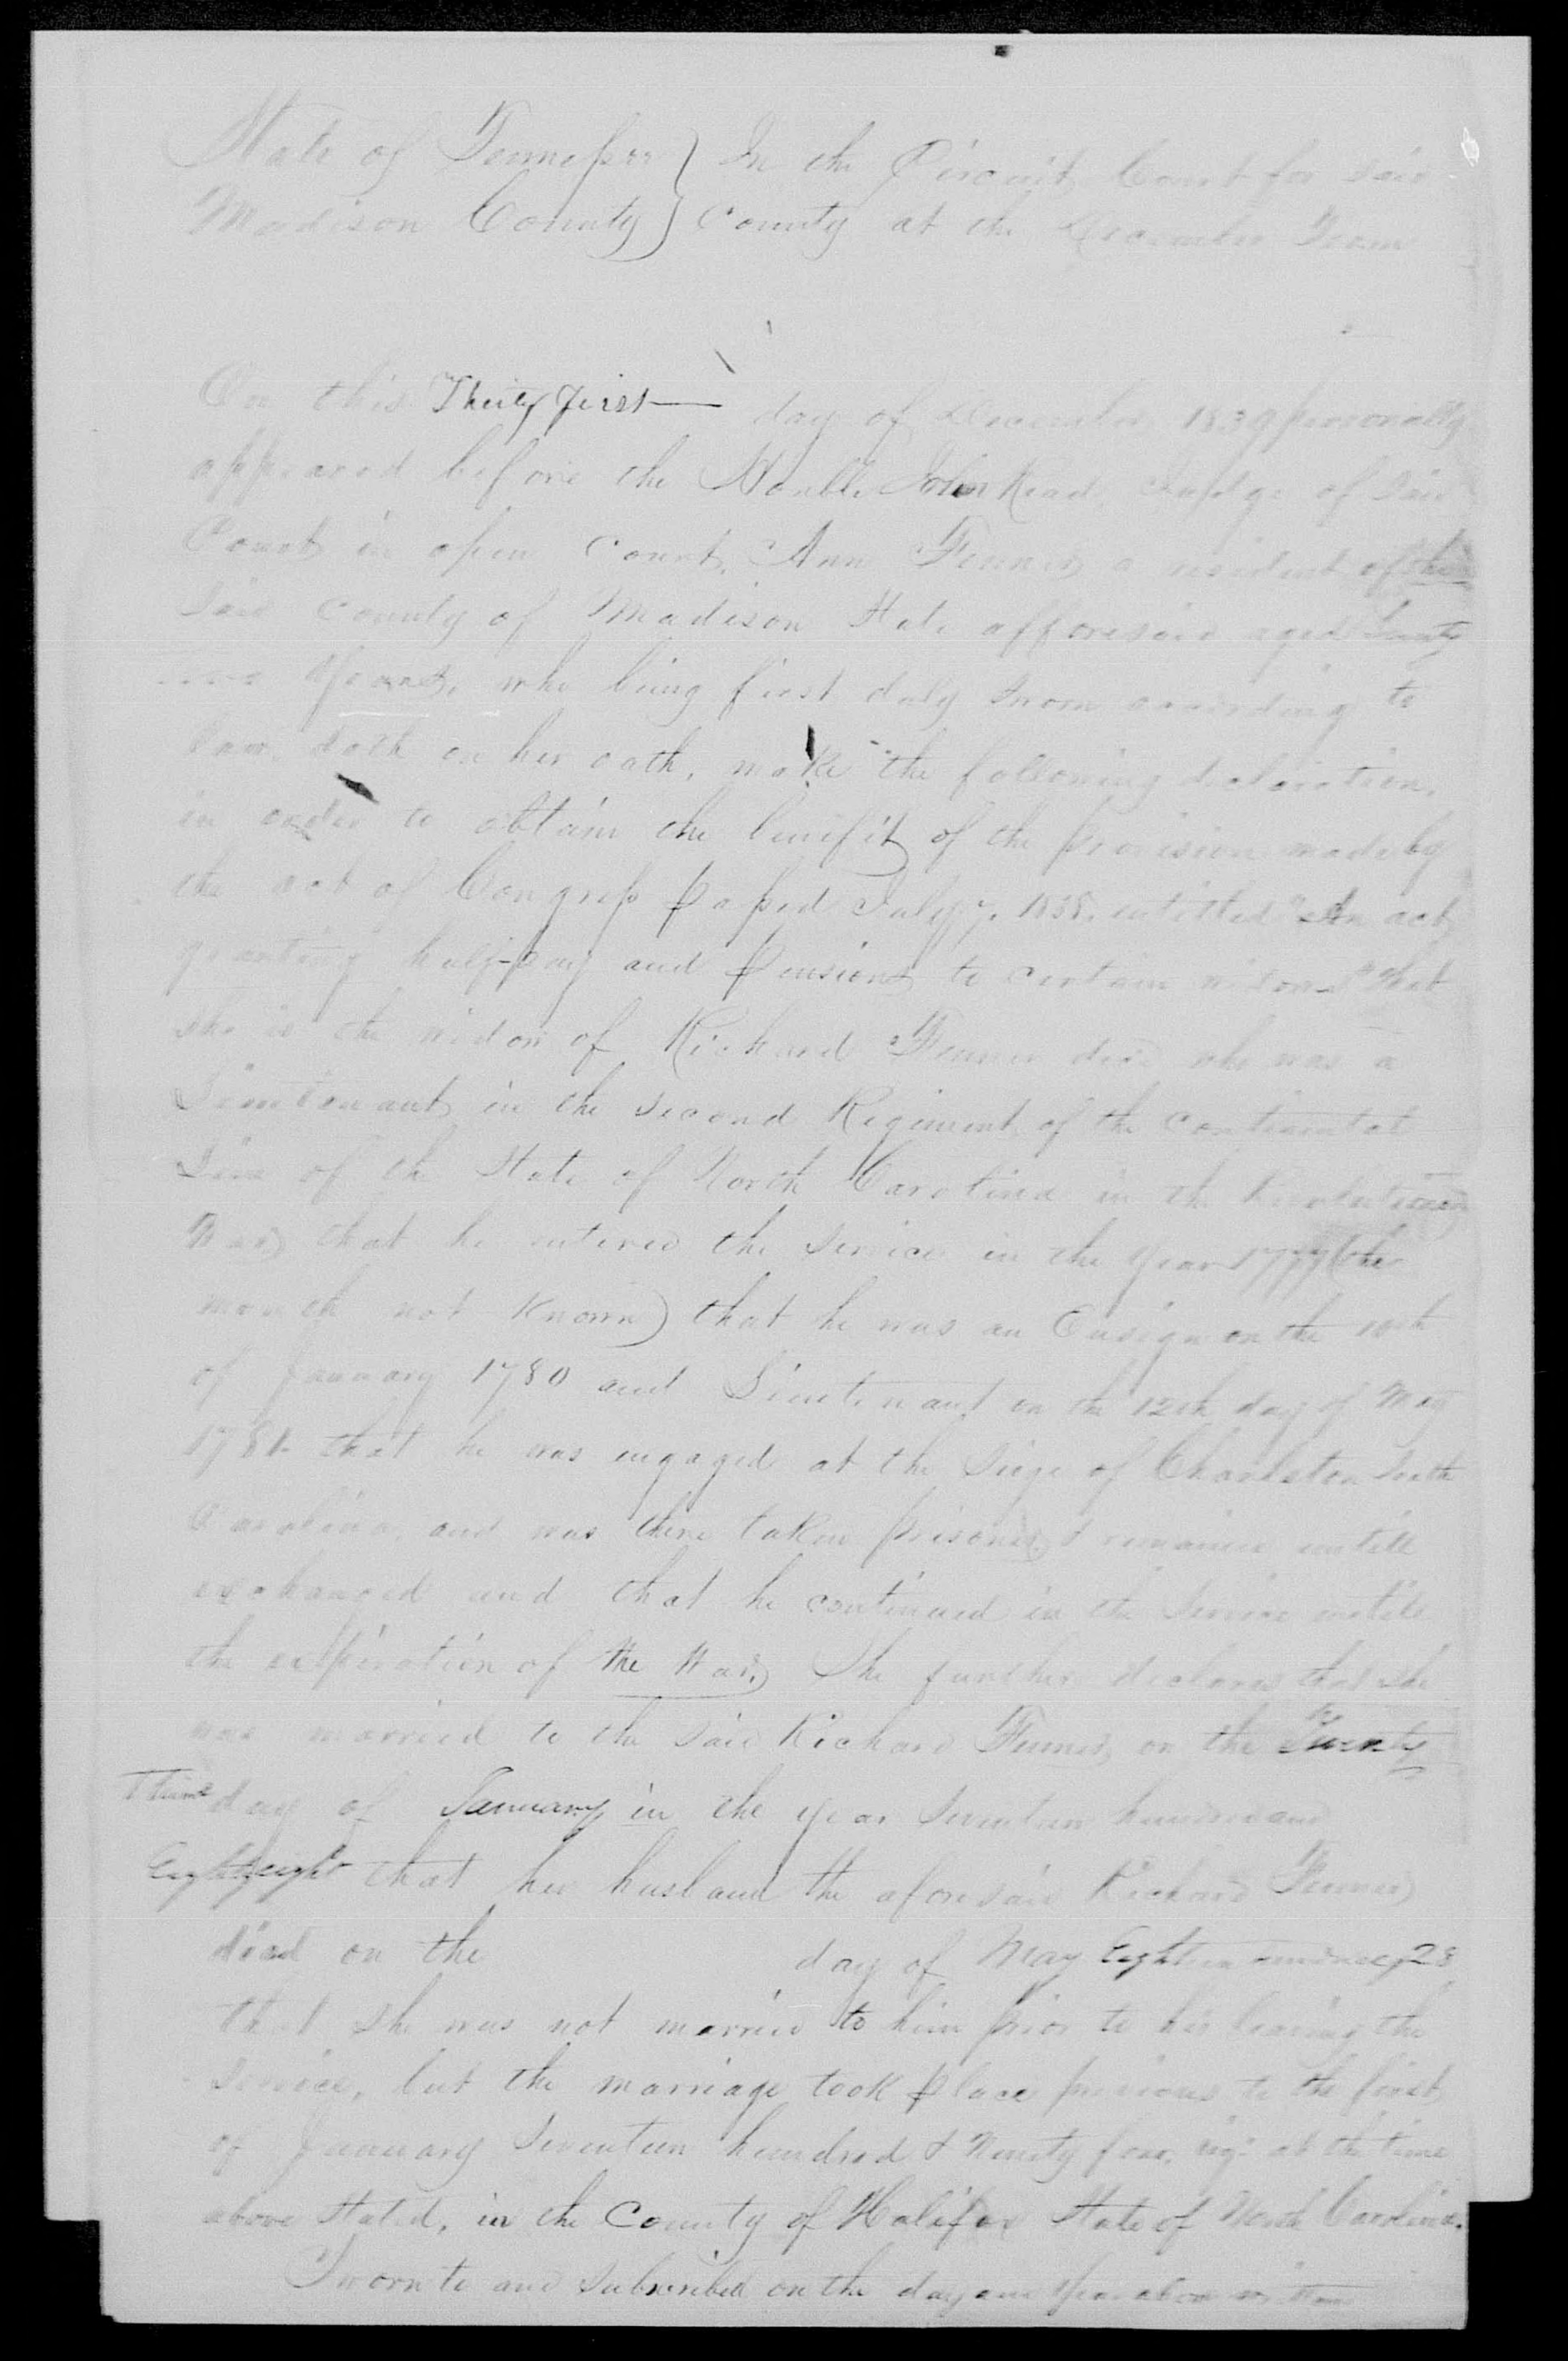State of Tennessee
Madison County

In the Circuit Court for said County at the December Term

On this thirty first day of December 1839 personally appeared before the Honble [honorable] John Read Judge of said County in open Court Ann Fenner a resident of the said County of Madison State aforesaid aged Seventy two years, who being first duly sworn according to law doth on her oath, make the following declaration in order to obtain the benefit of a pension made by the act of Congress passed July 7 1838, entitled "An act granting half-pay and Pension to certain widow  She is the widow of Richard Fenner decd who was a Lieutenant in the Second Regiment of the Continental Line of the State of North Carolina in the Revolutionary War that he entered the  service in the year 1777 (the month not known) that he was an Ensign on the 10th of January 1780 and Lieutenant on the 12th day of May 1781 that he was engaged  at the Siege of Charleston South Carolina, and was then taken prisoner and remained until exchanged and that he continued in the Service until the expiration of the War. She further declares that she married to the said Richard Fenner, on the twenty third day of January in the year Seventeen hundred eighty eight that her husband the aforesaid Richard Fenner died on the  _____ day of May eighteen hundred 28 that she was  not married to him prior to his leaving the service but the marriage took place previous to the first of January Seventeen hundred and ninety four [illegible] at the time above stated, in the County of Halifax State of North Carolina.

Sworn to and Subscribed on the day and year above written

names: Richard Fenner, Richard Fenner, John Read, Richard Fenner, Ann Fenner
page: 3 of 39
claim: widow's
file: W. 789, Richard Fenner, N.C.